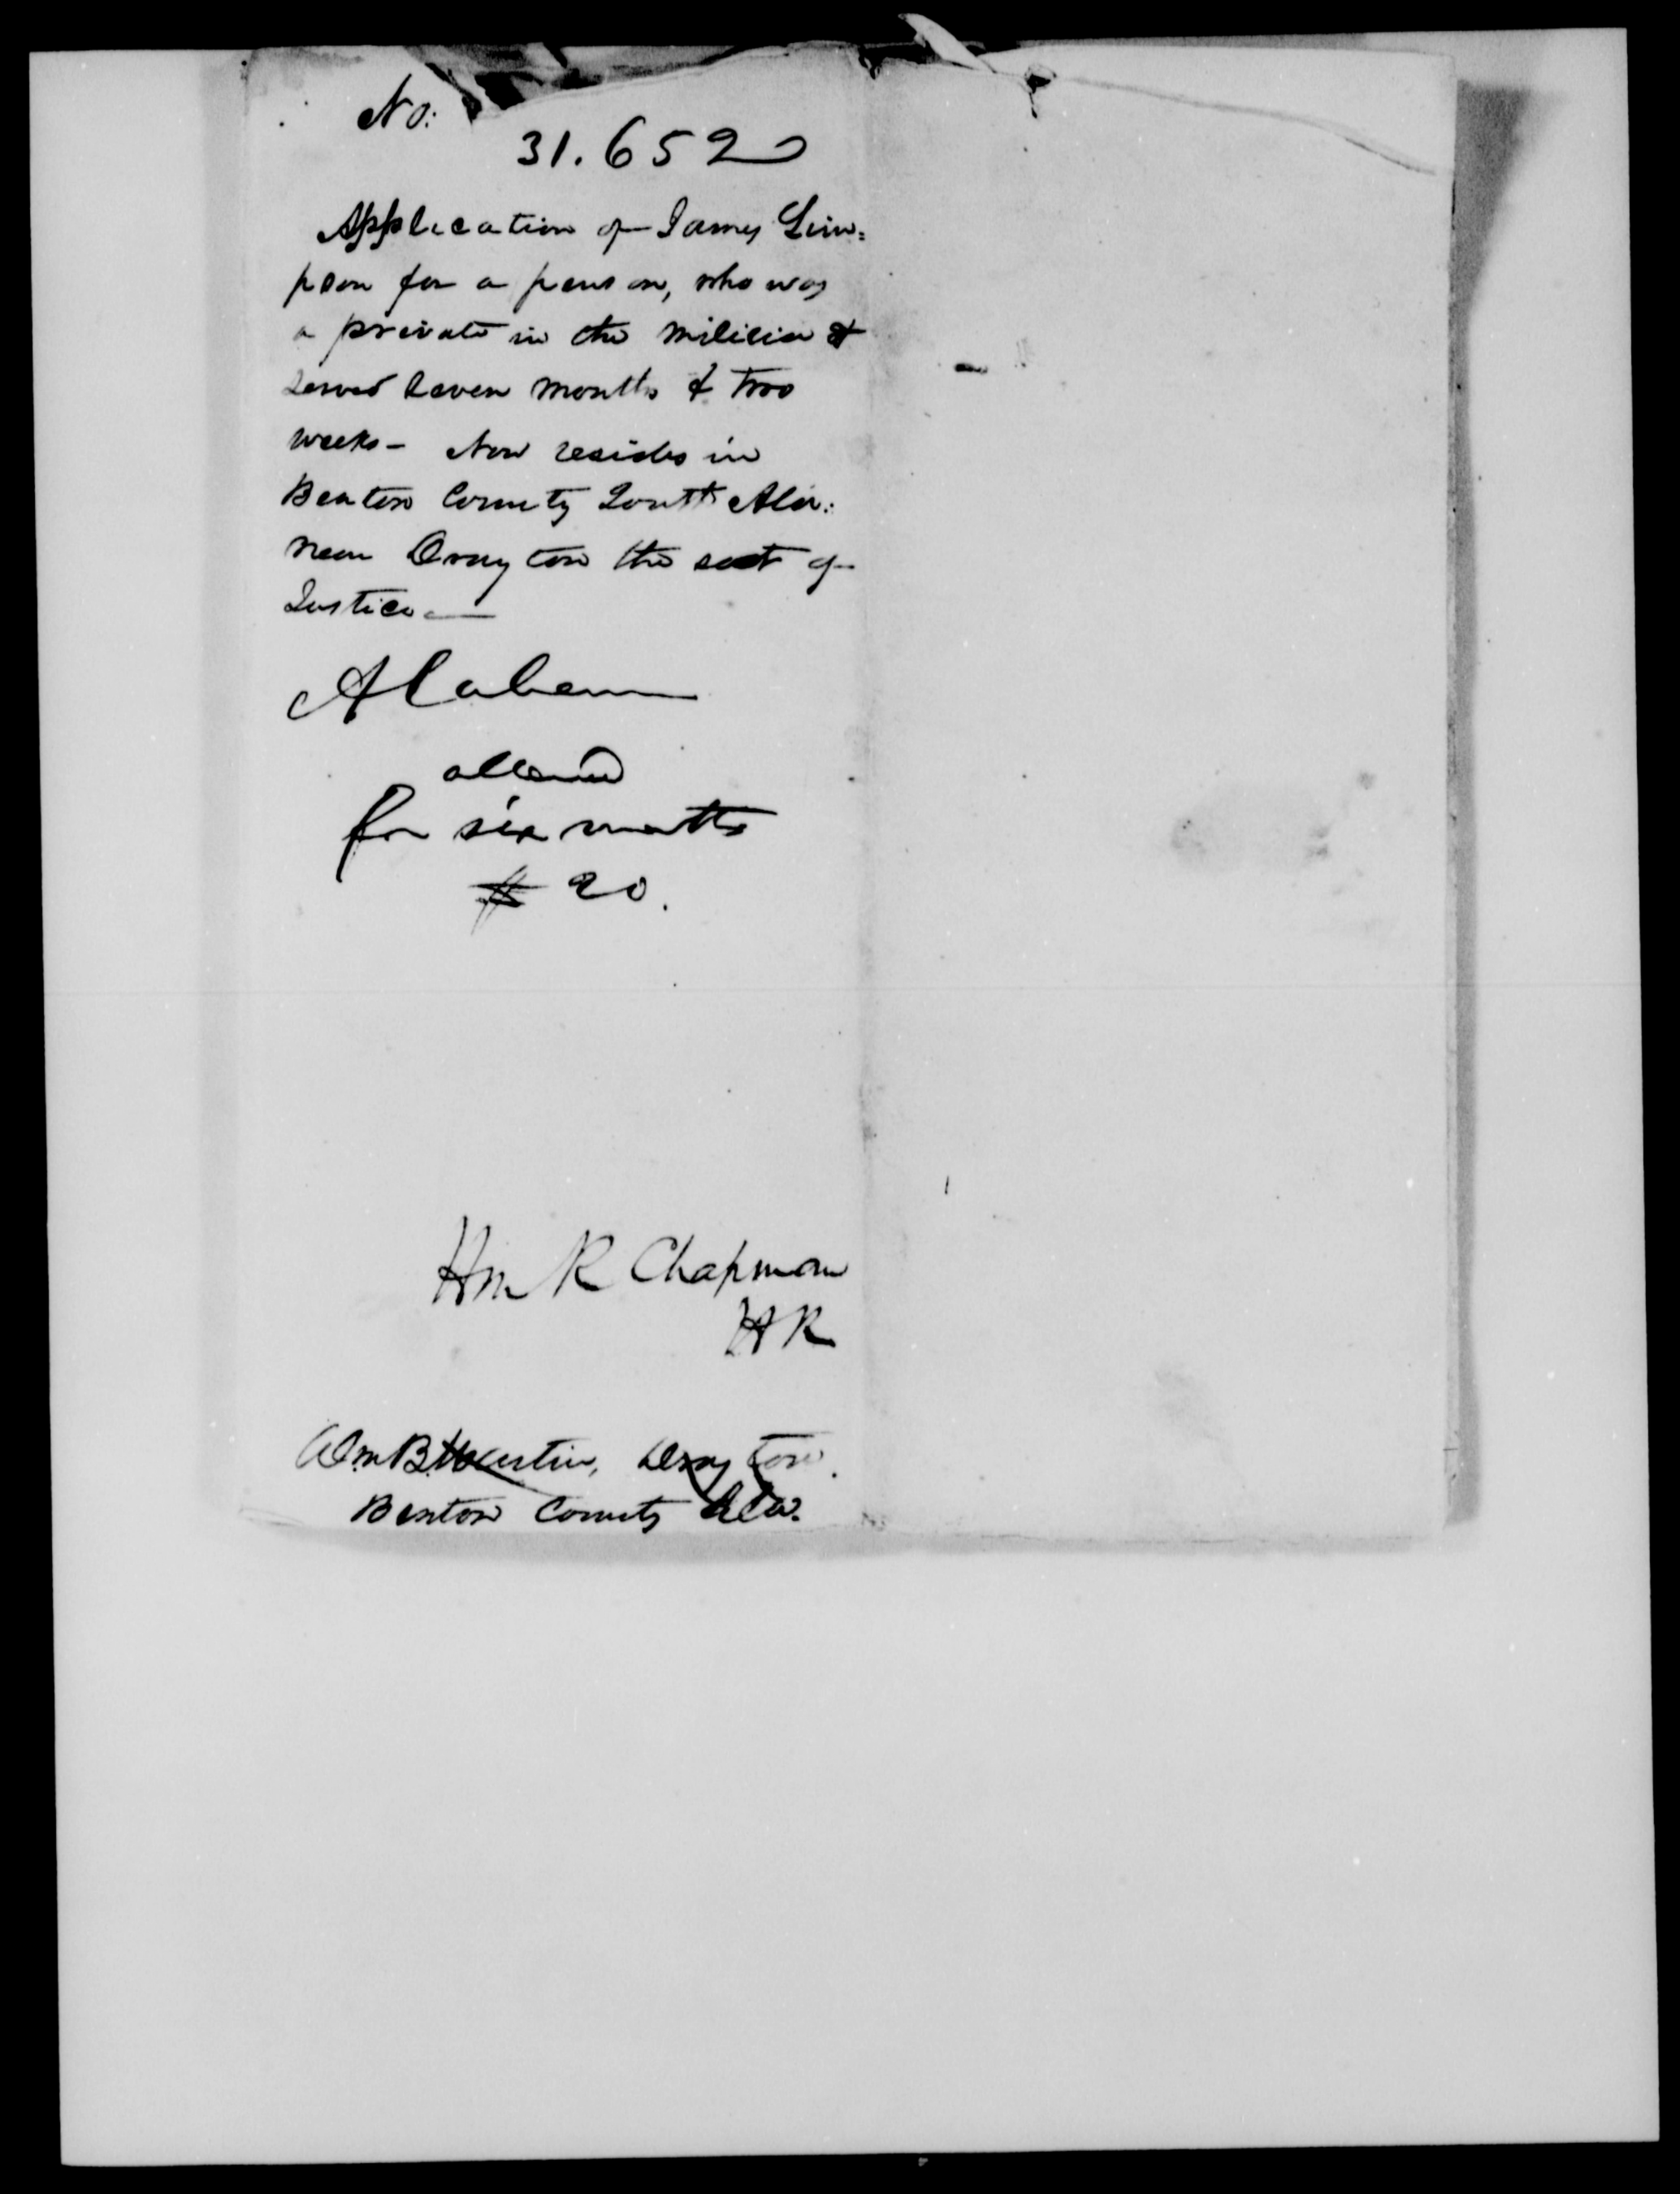No:  31.652
Application of James Simpson for a pension, who was a private in the militia & served seven months & two weeks -- Now resides in Benton County South Ala:  Near Drayton the seat of Justice --
Alabama
allow
for six months
$20.

Hon R Chapman
HR
Wm B. Martin, Drayton,
Benton County - Ala.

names: James Simpson; R Chapman; Wm B Martin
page: 3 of 17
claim: survivor's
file: S. 11401, for James Simpson, South Carolina